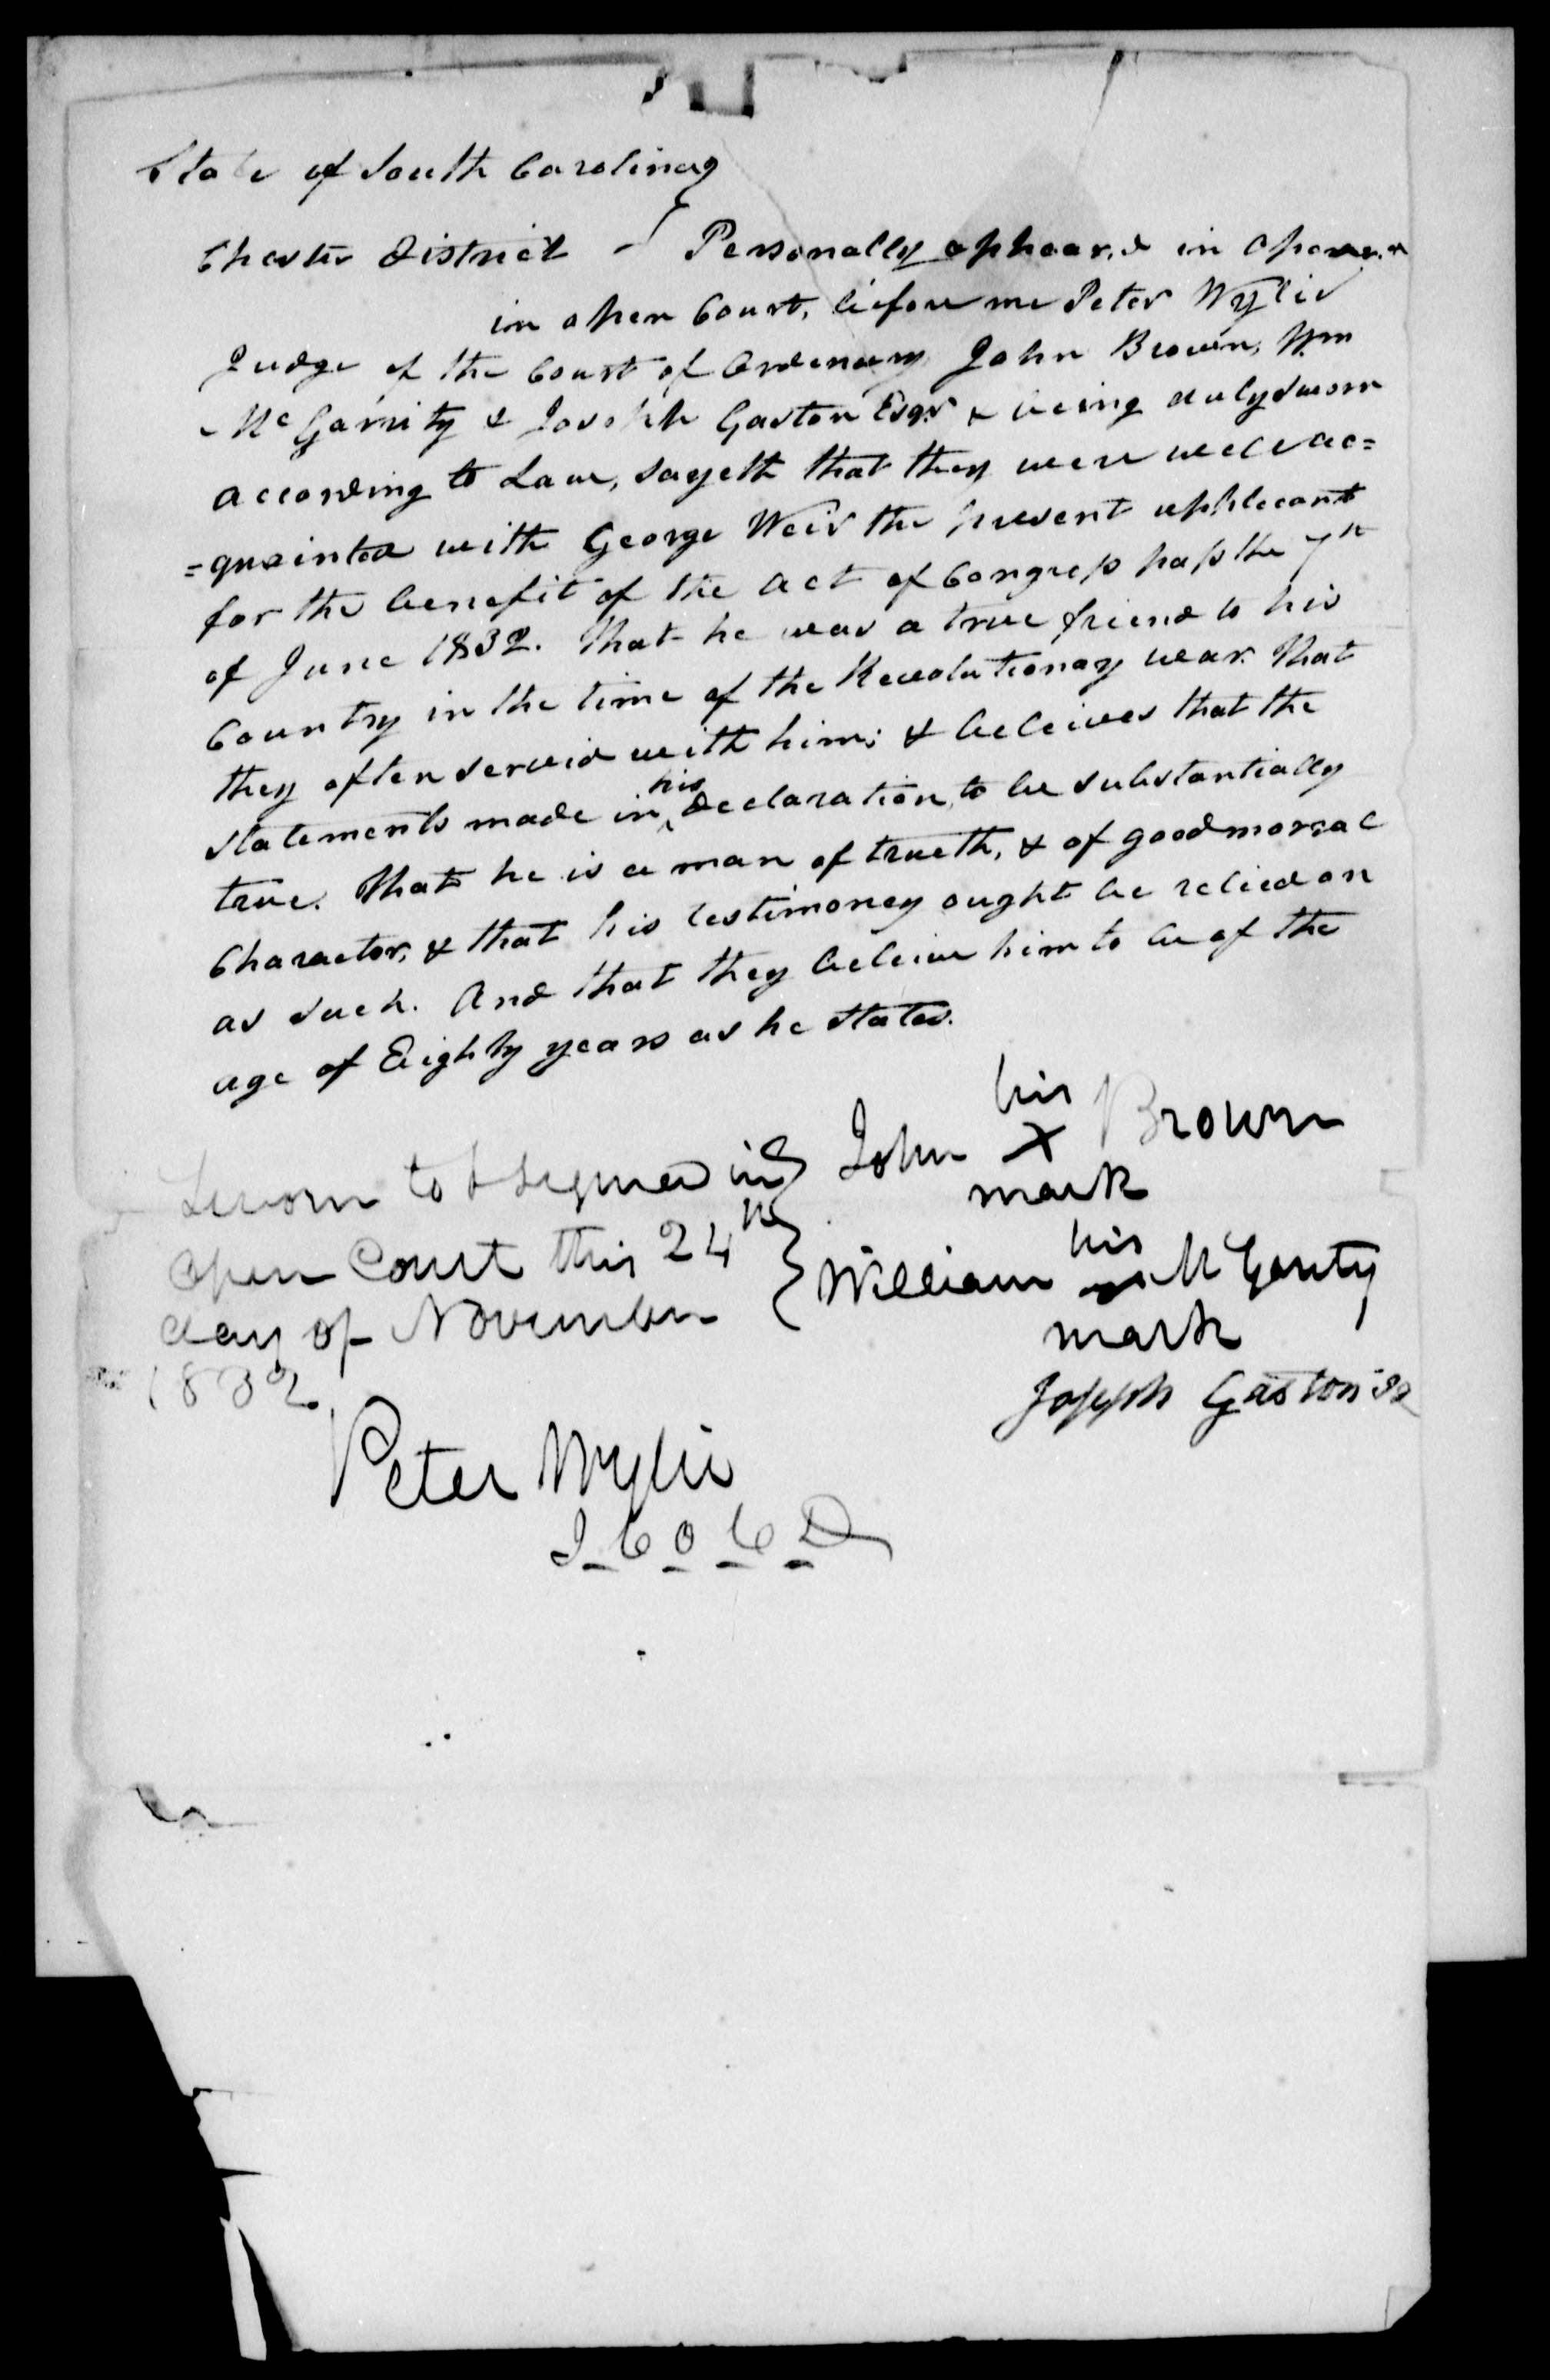State of South Carolina
Chester District 
Personally appeared in open in open Court, before me Peter Wylie Judge of the Court of Ordinary John Brown Wm Garrity & Joseph Gaston Esq & being duly sworn according to Law sayeth that they were well acquainted with George Weir the present applicant for the benefit of the act of Congress pass the 7 of June 1832. That he was a true friend to his Country in the time of the Revolutionary war that they often served with him & believes that the Statements made in his declaration, to be substantially true, and that he is a man of truth, & of good moral Character, & that his testimony ought be relied on as such and that they believe him to be of the age of Eighty years as he states
[signed] John X Brown his mark
William X Garrity his mark
Joseph Gaston

Sworn to & signed in Open Court this 24 day of November 1832
Peter Wylie J C O C D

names: Joseph Gaston, George Weir, John Brown, Peter Wylie, Wm Mc Garrity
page: 12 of 22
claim: survivor's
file: S. 9528, George Weir, S.C.